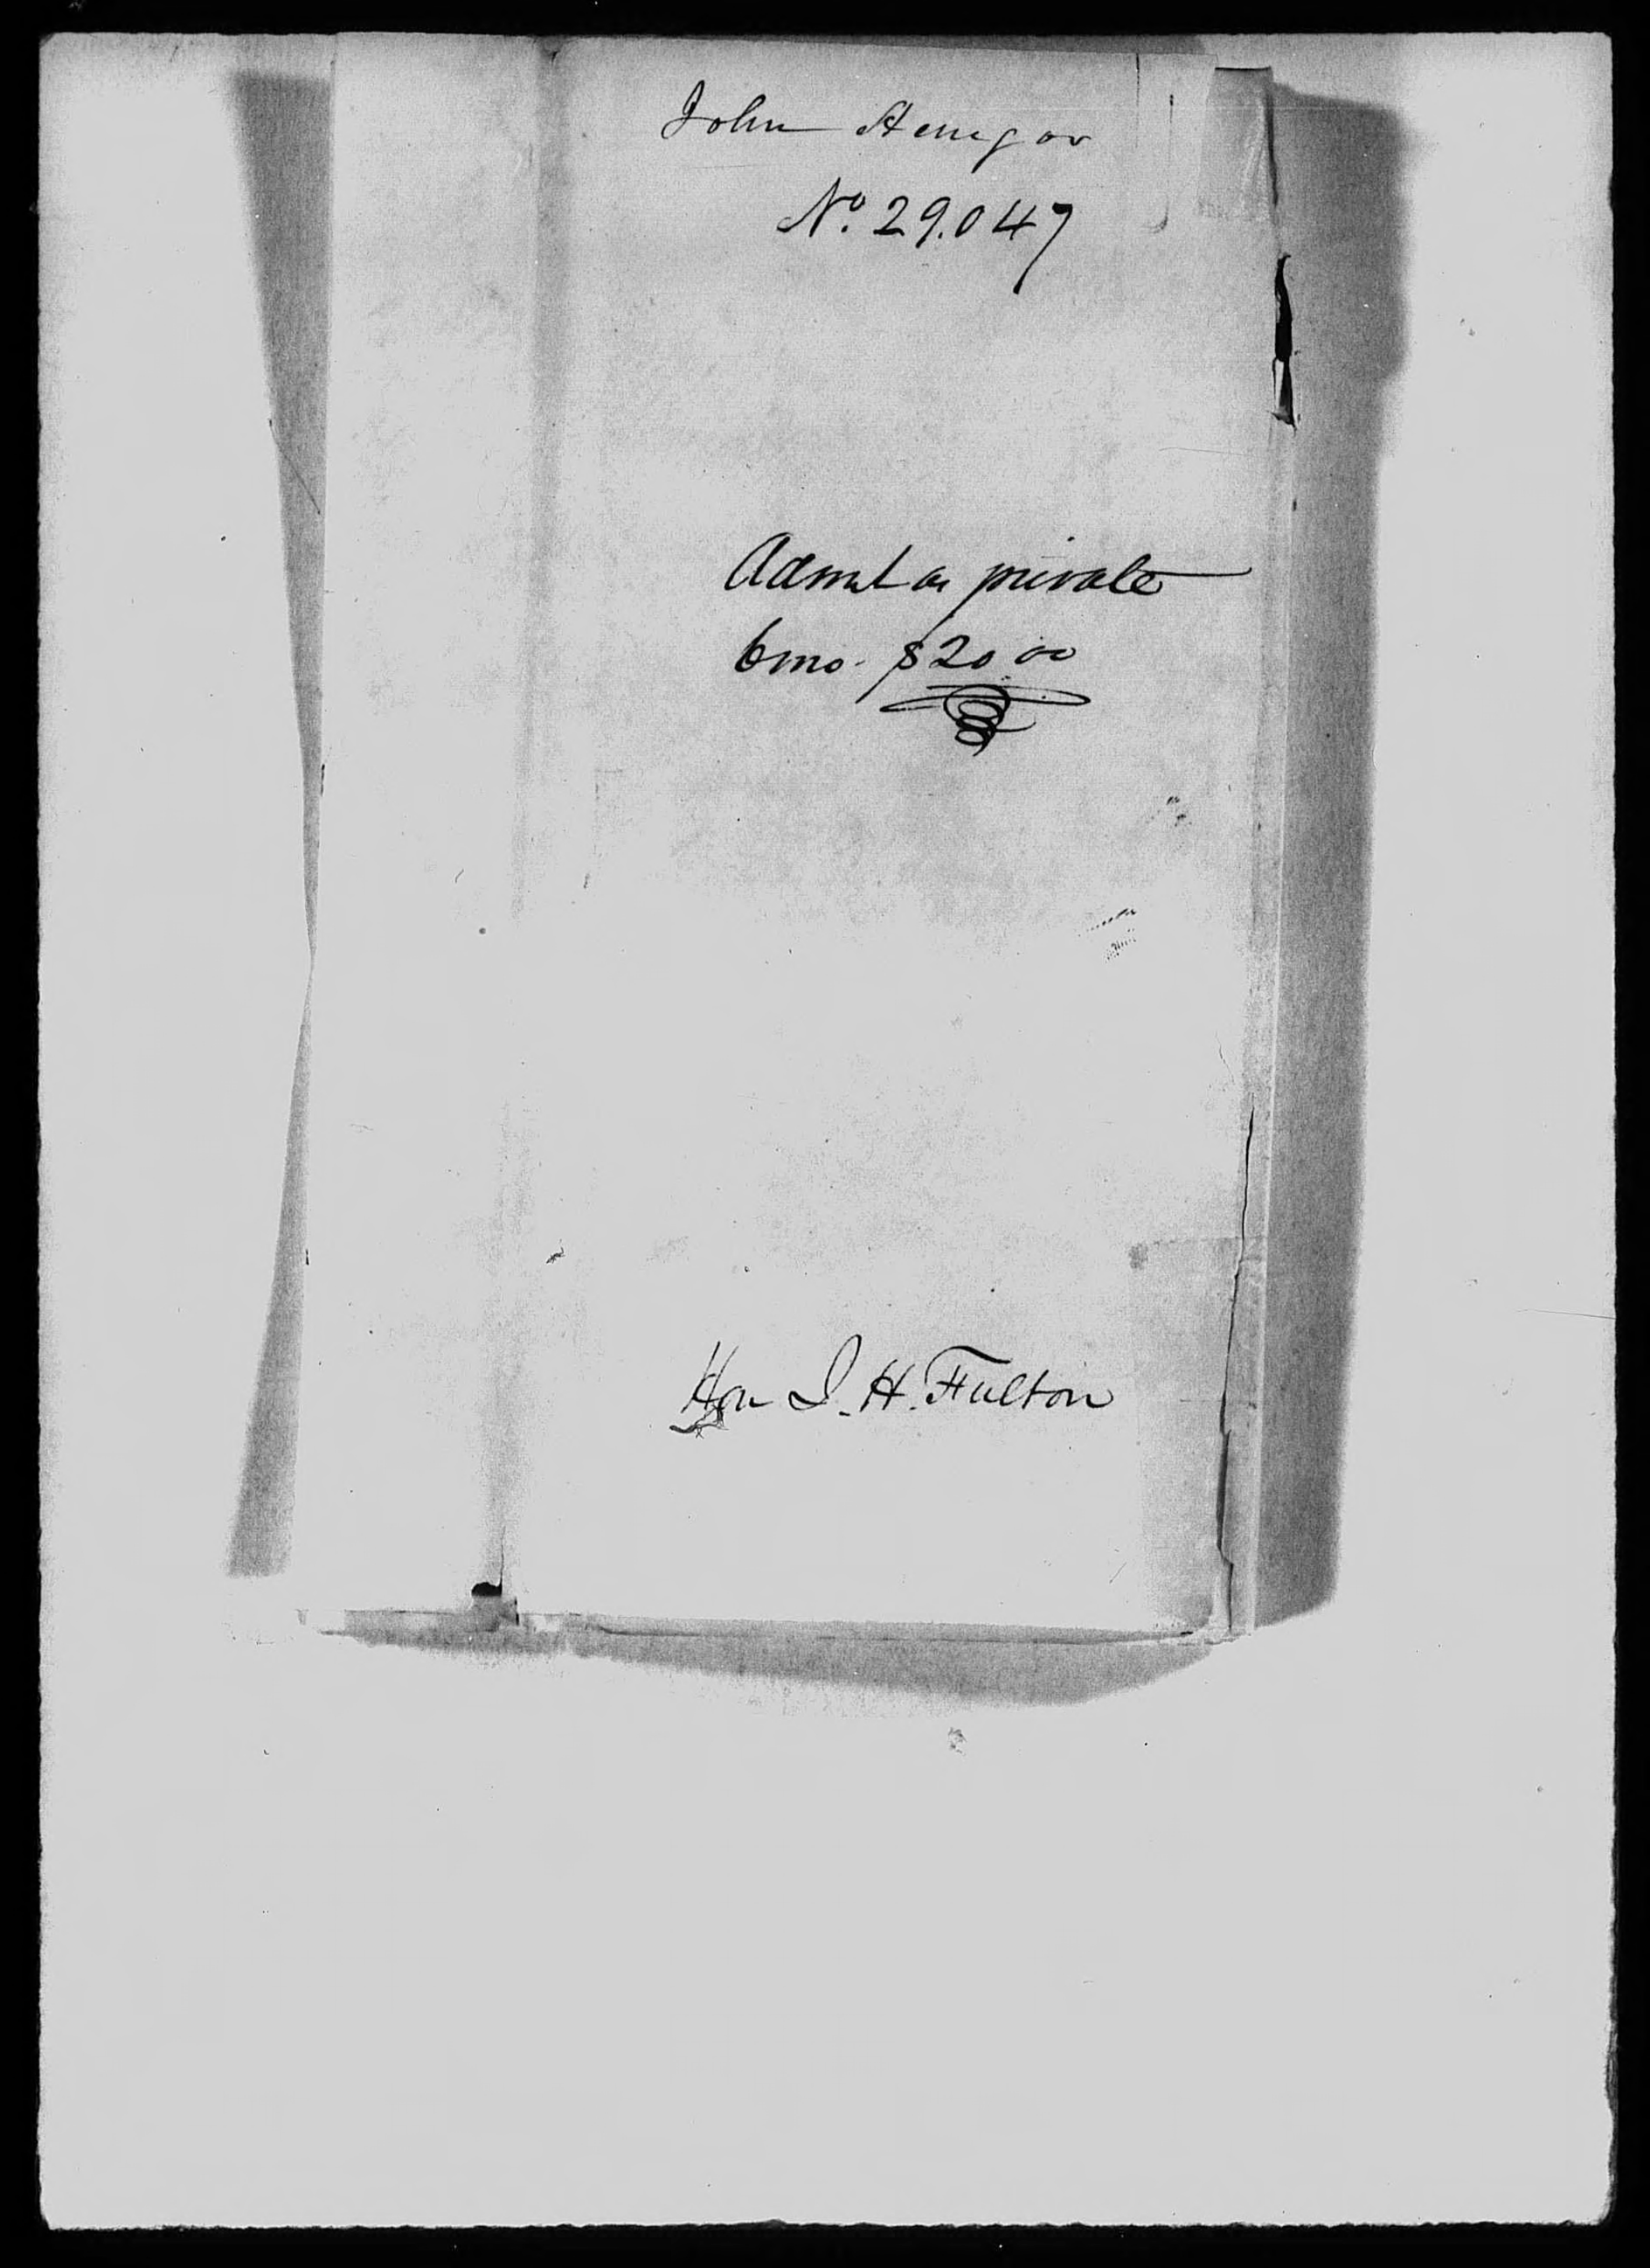John Hennigar
No 29047

Adm as Private
6 mo $20.00

Hon J H Fulton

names: J H Fulton, John Henegan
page: 7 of 18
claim: survivor's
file: S. 15,884, John Hennigar, Md.